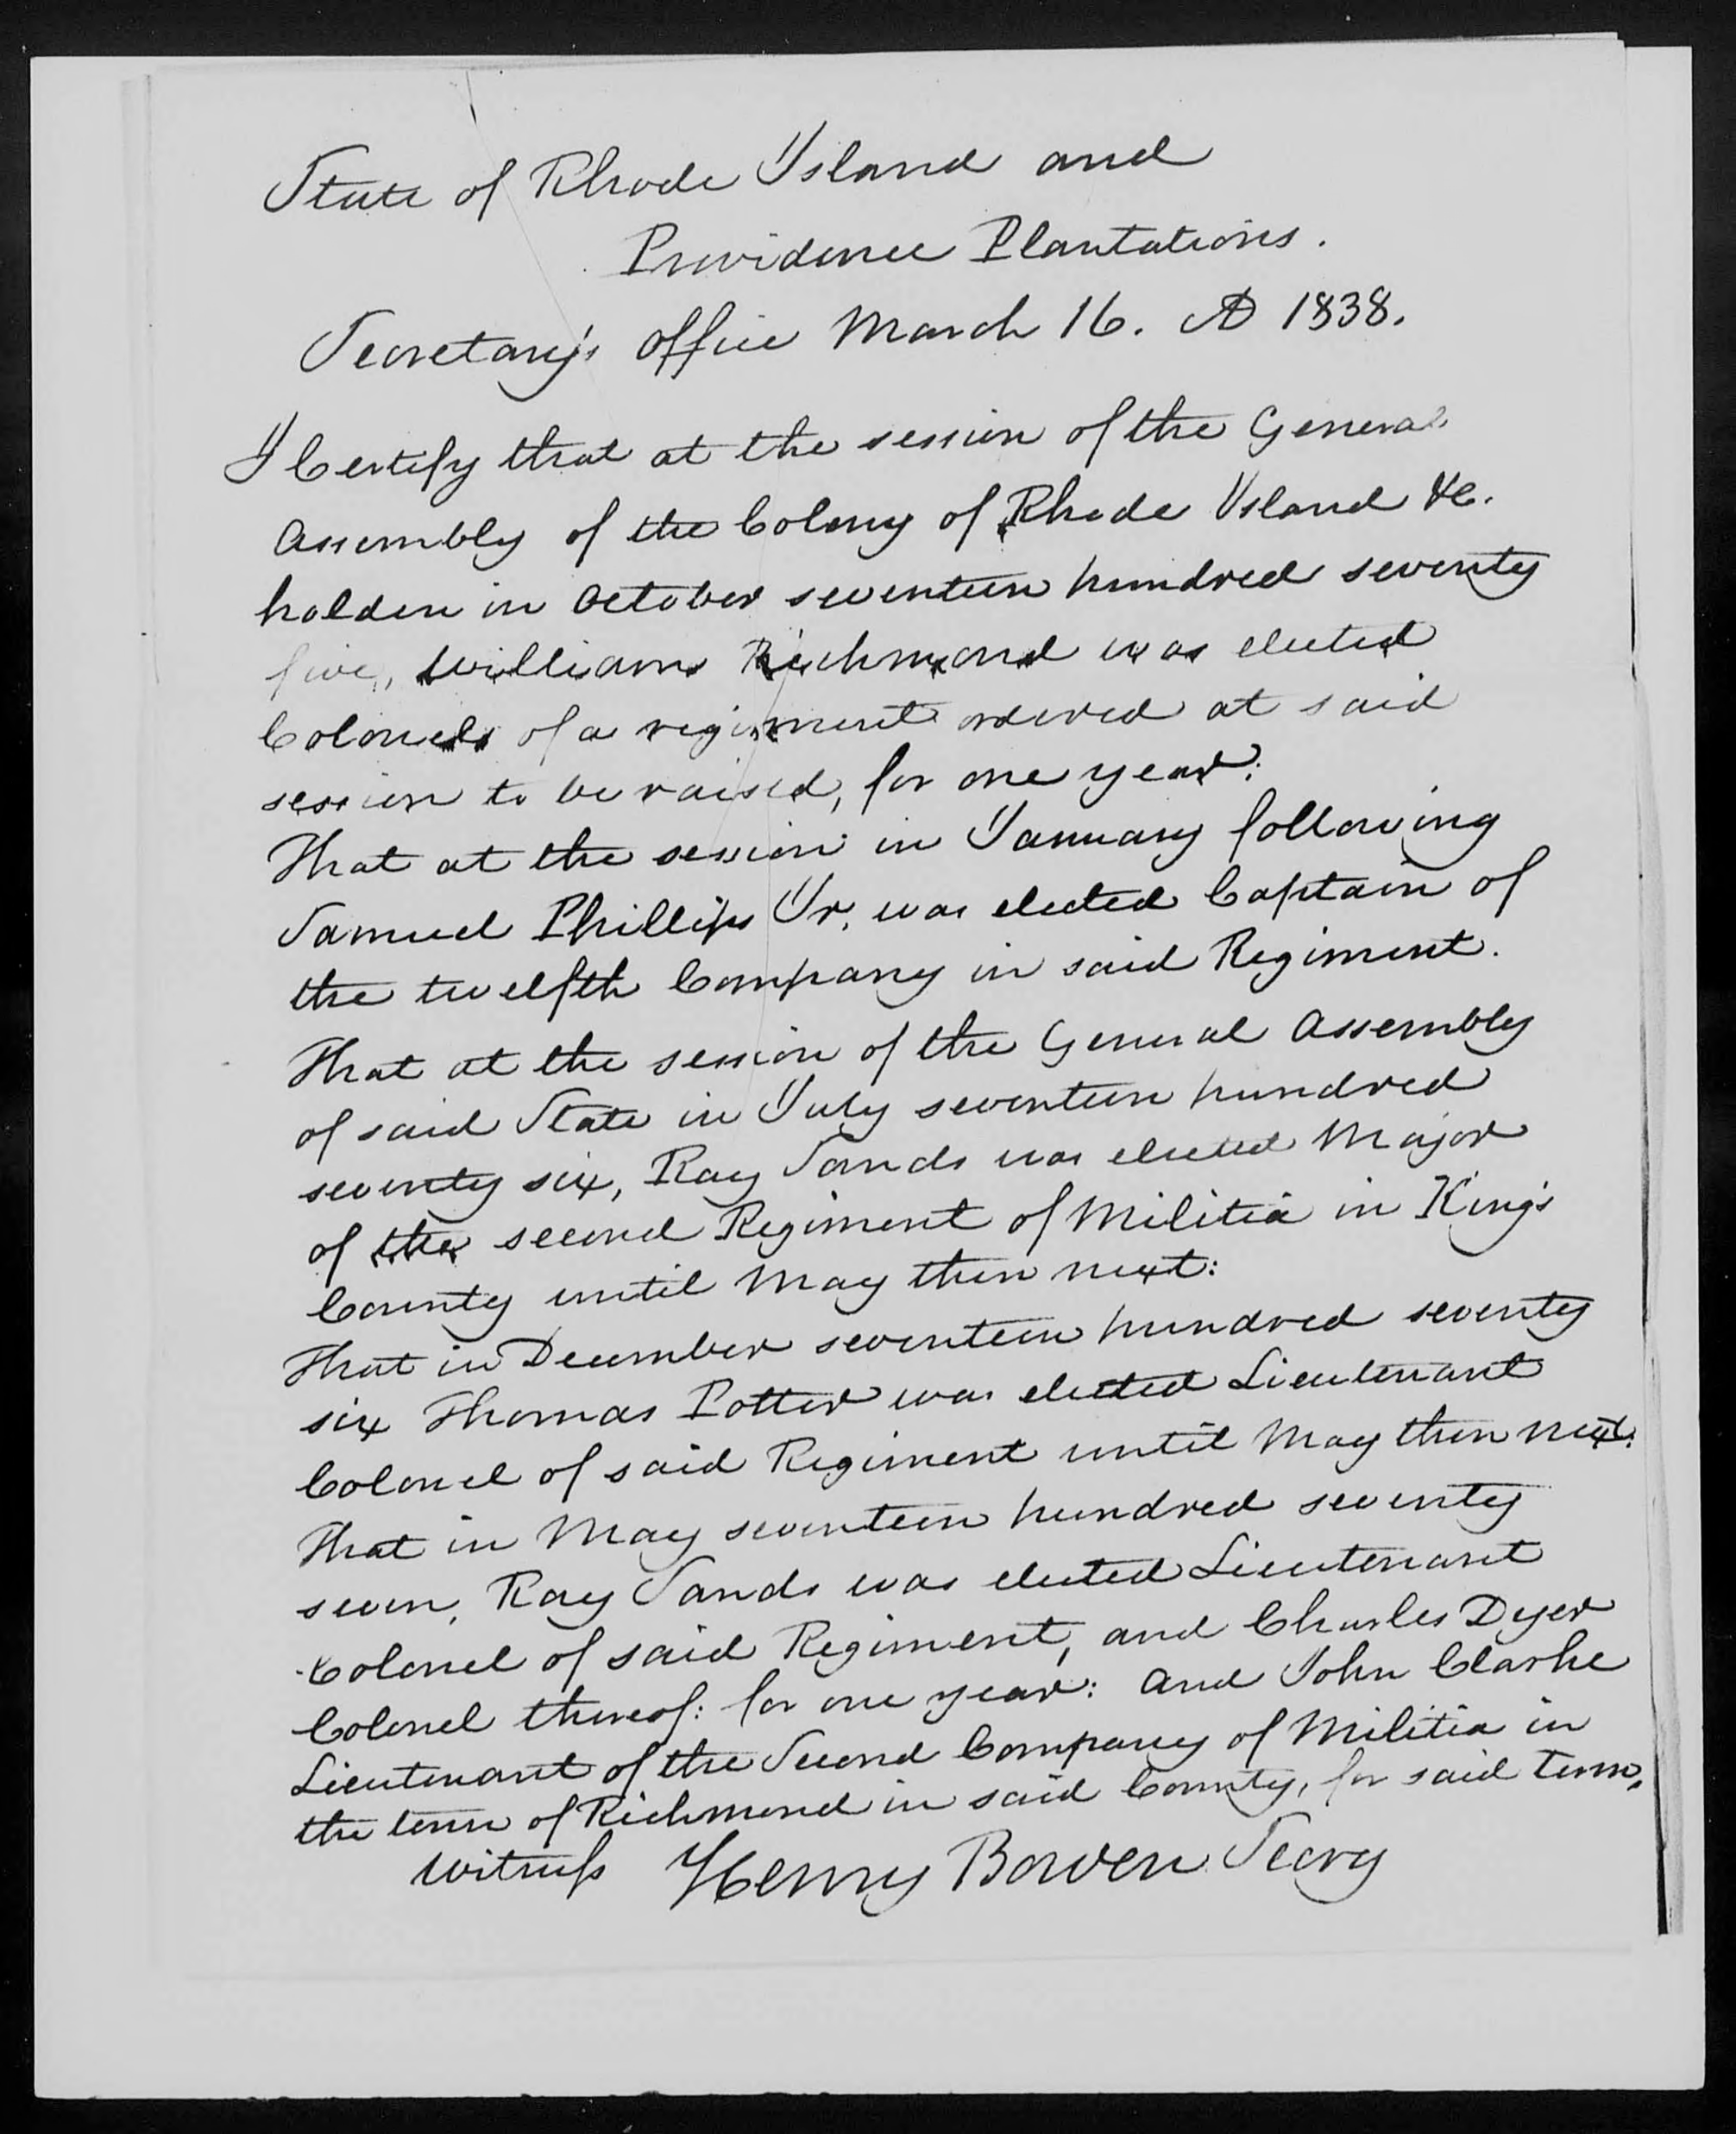State of Rhode Island and Providence Plantations
Secretary's office March 16, AD 1838.

I certify that at the session of the General Assembly of the Colony of Rhode Island beholden in October seventeen hundred seventy five, William Richmond was elected Colonel of a regiment ordered at said session to be raised, for one year. That at the session in January following Samuel Phillips Jr. was elected Captain of the twelfth company in said Regiment. That at the session of the General Assembly of said State in July seventeen hundred seventy six, Ray Sands was elected Major of the second Regiment of Militia in King's County until May then next. 
That in December seventeen hundred seventy six Thomas Potter was elected Lieutenant Colonel of said Regiment until May then next. That in May seventeen hundred seventy seven, Ray Sands was elected Lieutenant Colonel of said Regiment, and Charles Dyer Colonel thereof: for one year: and John Clarke Lieutenant of the Second Company of Militia in the term of Richmond in said County for said term. 
Witness Henry Bowen Secry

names: Thomas Potter, Henry Bowen, Samuel Phillips, Charles Dyer, William Richmond, John Clarke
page: 88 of 100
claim: survivor's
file: S 19186, James Austin, Conn. New York R.I.